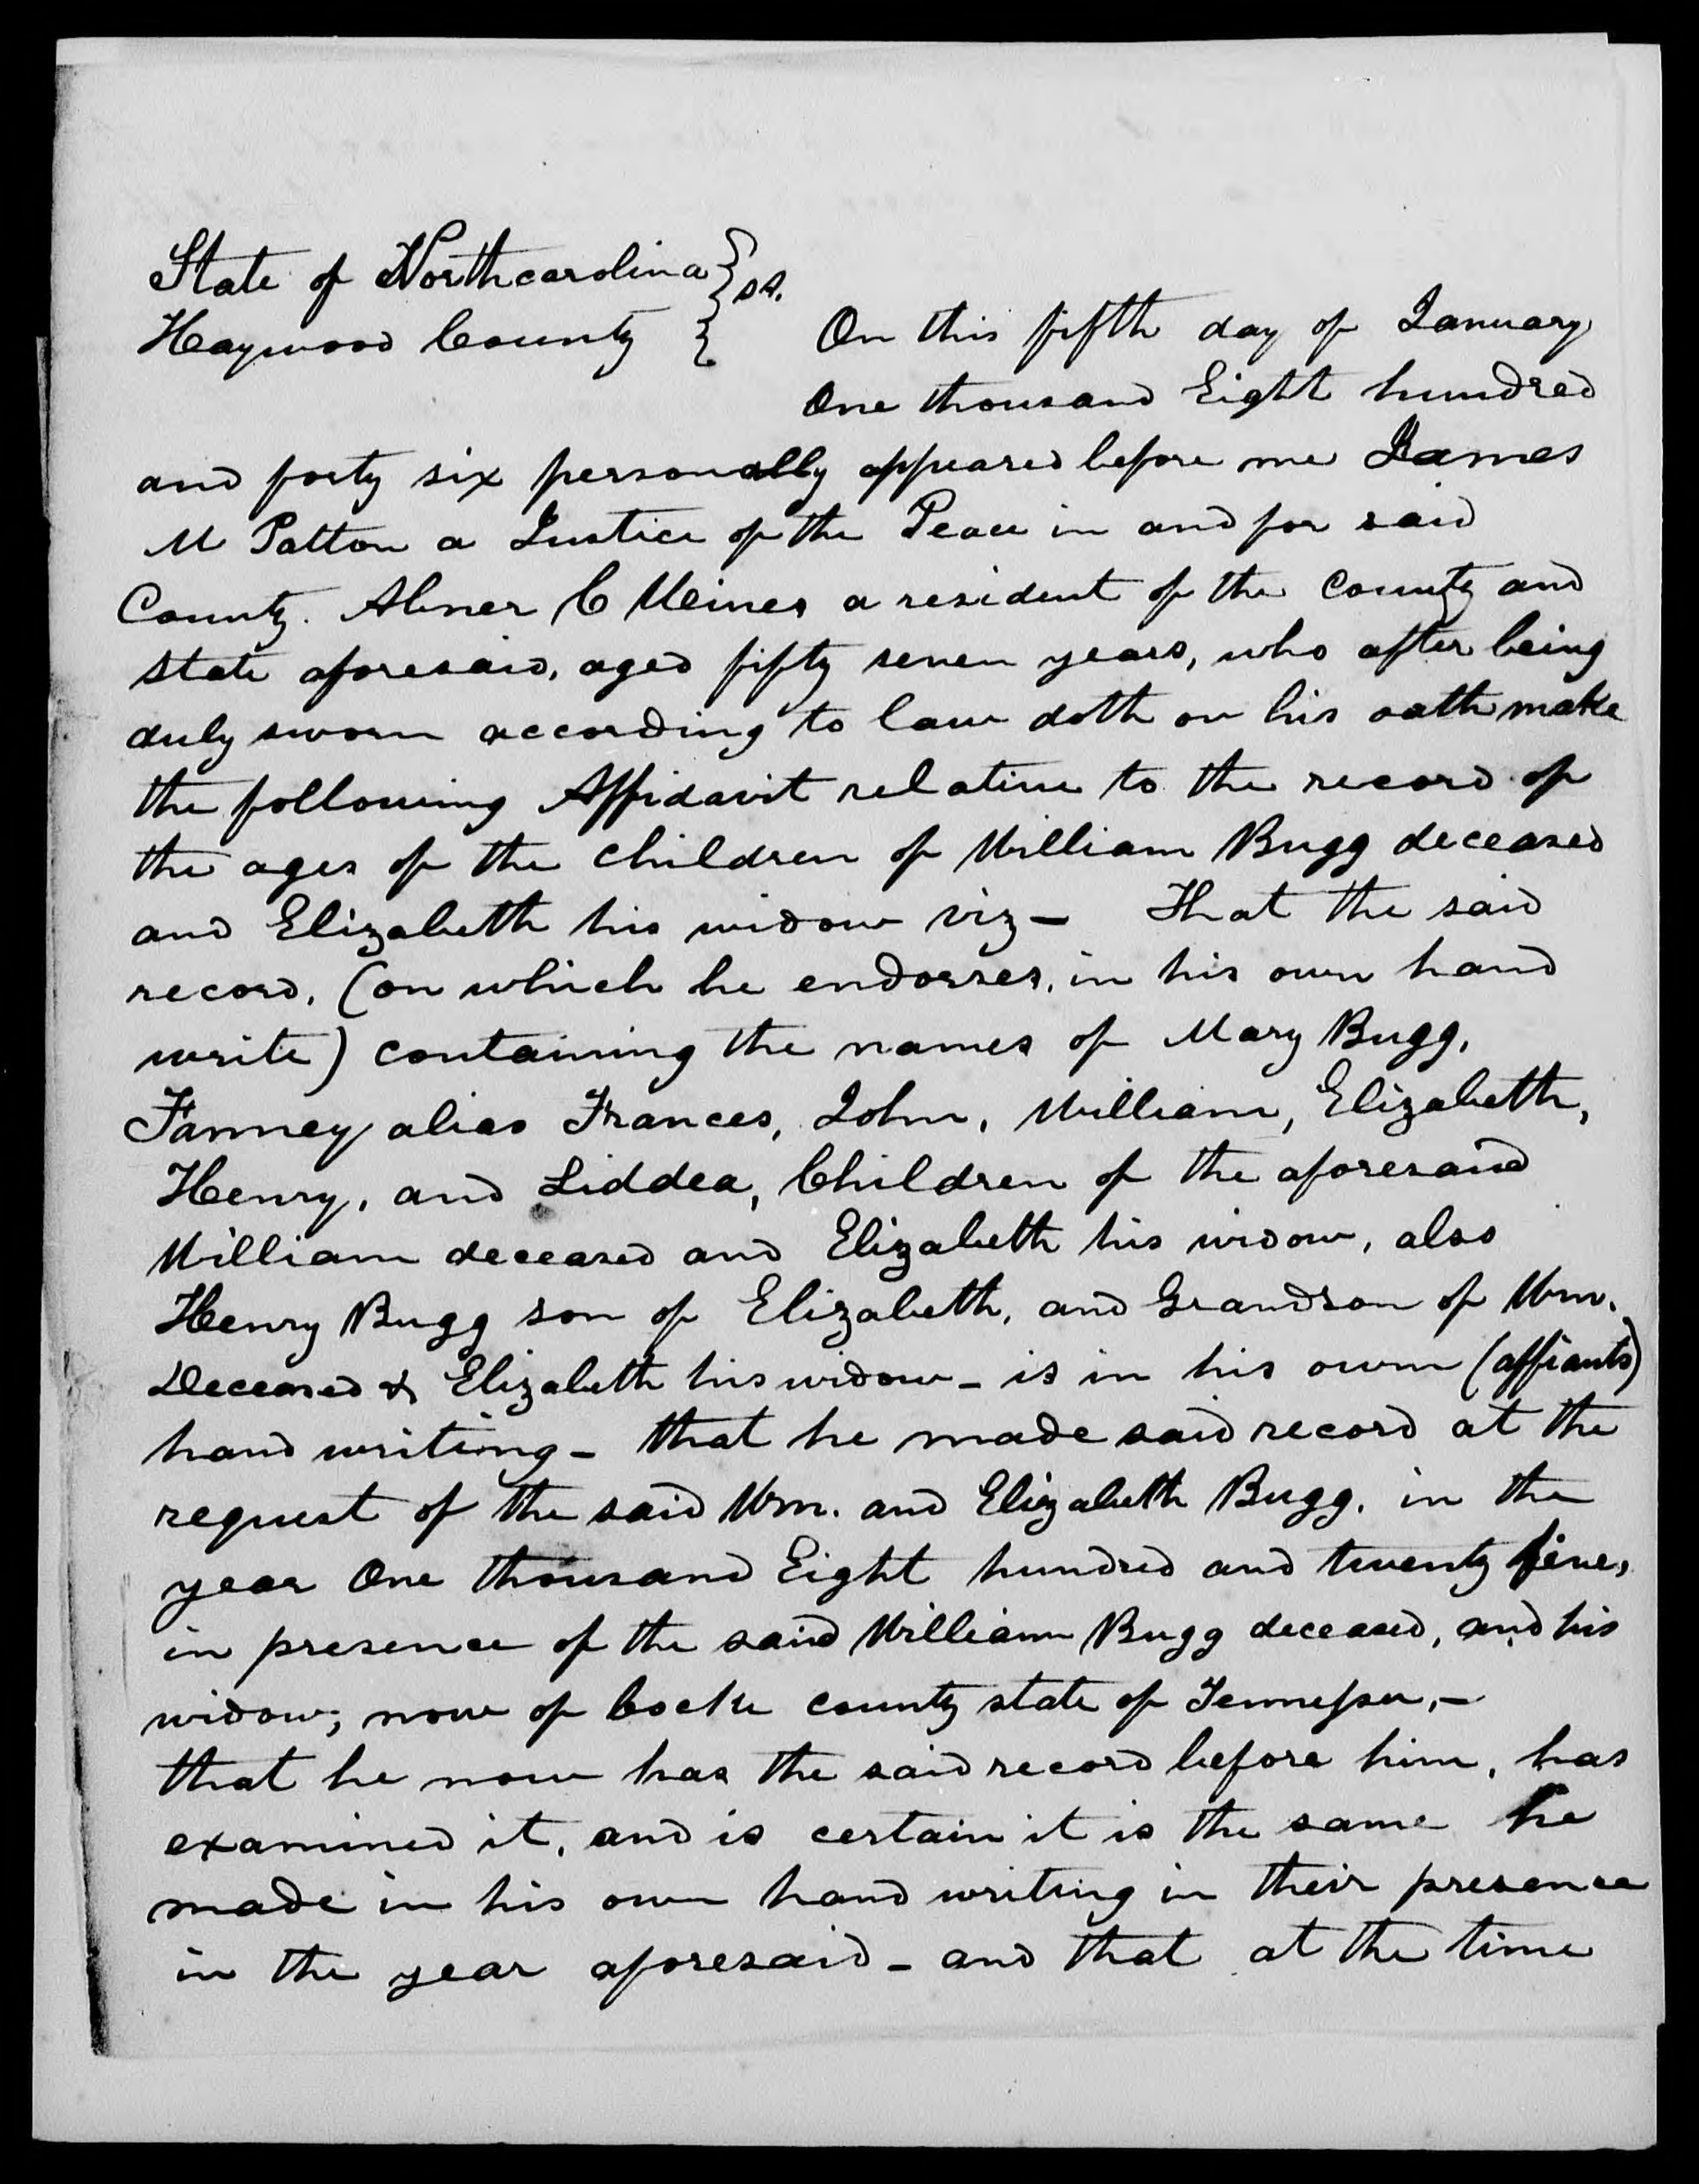State of North carolina) ss.
Haywood County)  

On this fifth day of January one thousand Eight hundred and forty six personally appeared before me James M Patton a Justice of the Peace in an for said County. Abner C. Meiner [or Meines] a resident of the County and State aforesaid, aged fifty seven years, who after being duly sworn according to law doth on his oath make the following Affidavit relative to the record of the ages of the children of William Bugg deceased and Elizabeth his widow viz-

[Occasional spacing has been added to make the long text easier to read.]

That the said record, (on which he endorses, in his own handwrite) containing the names of Mary Bugg, Fanney alias Frances, John, William, Elizabeth, Henry, and Liddea, Children of the aforesaid William deceased and Elizabeth his widow, also Henry Bugg son of Elizabeth, and Grandson of Wm. Deceased & Elizabeth his widow - is in his own (affiants) hand writing -

that he made said record at the request of the said Wm. and Elizabeth Bugg, in the year One thousand Eight hundred and twenty five, in presence of the said William Bugg deceased, and his widow; now of Cocke county state of Tennessee, - 

that he now has the said record before him, has examined it, and is certain it is the same he made in his own hand writing in their presence in the year aforesaid - and that at the time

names: Elizabeth Bugg, John, Elizabeth, William Bugg, Elizabeth, Elizabeth, Frances, James M Patton, Henry Bugg, Wm, Grandson, William, William Bugg, Abner C Wines, Elizabeth, Fanney, Elizabeth, Henry, William, Wm, Mary Bugg, Liddea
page: 45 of 50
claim: widow's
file: W. 898, William Bugg, N.C.